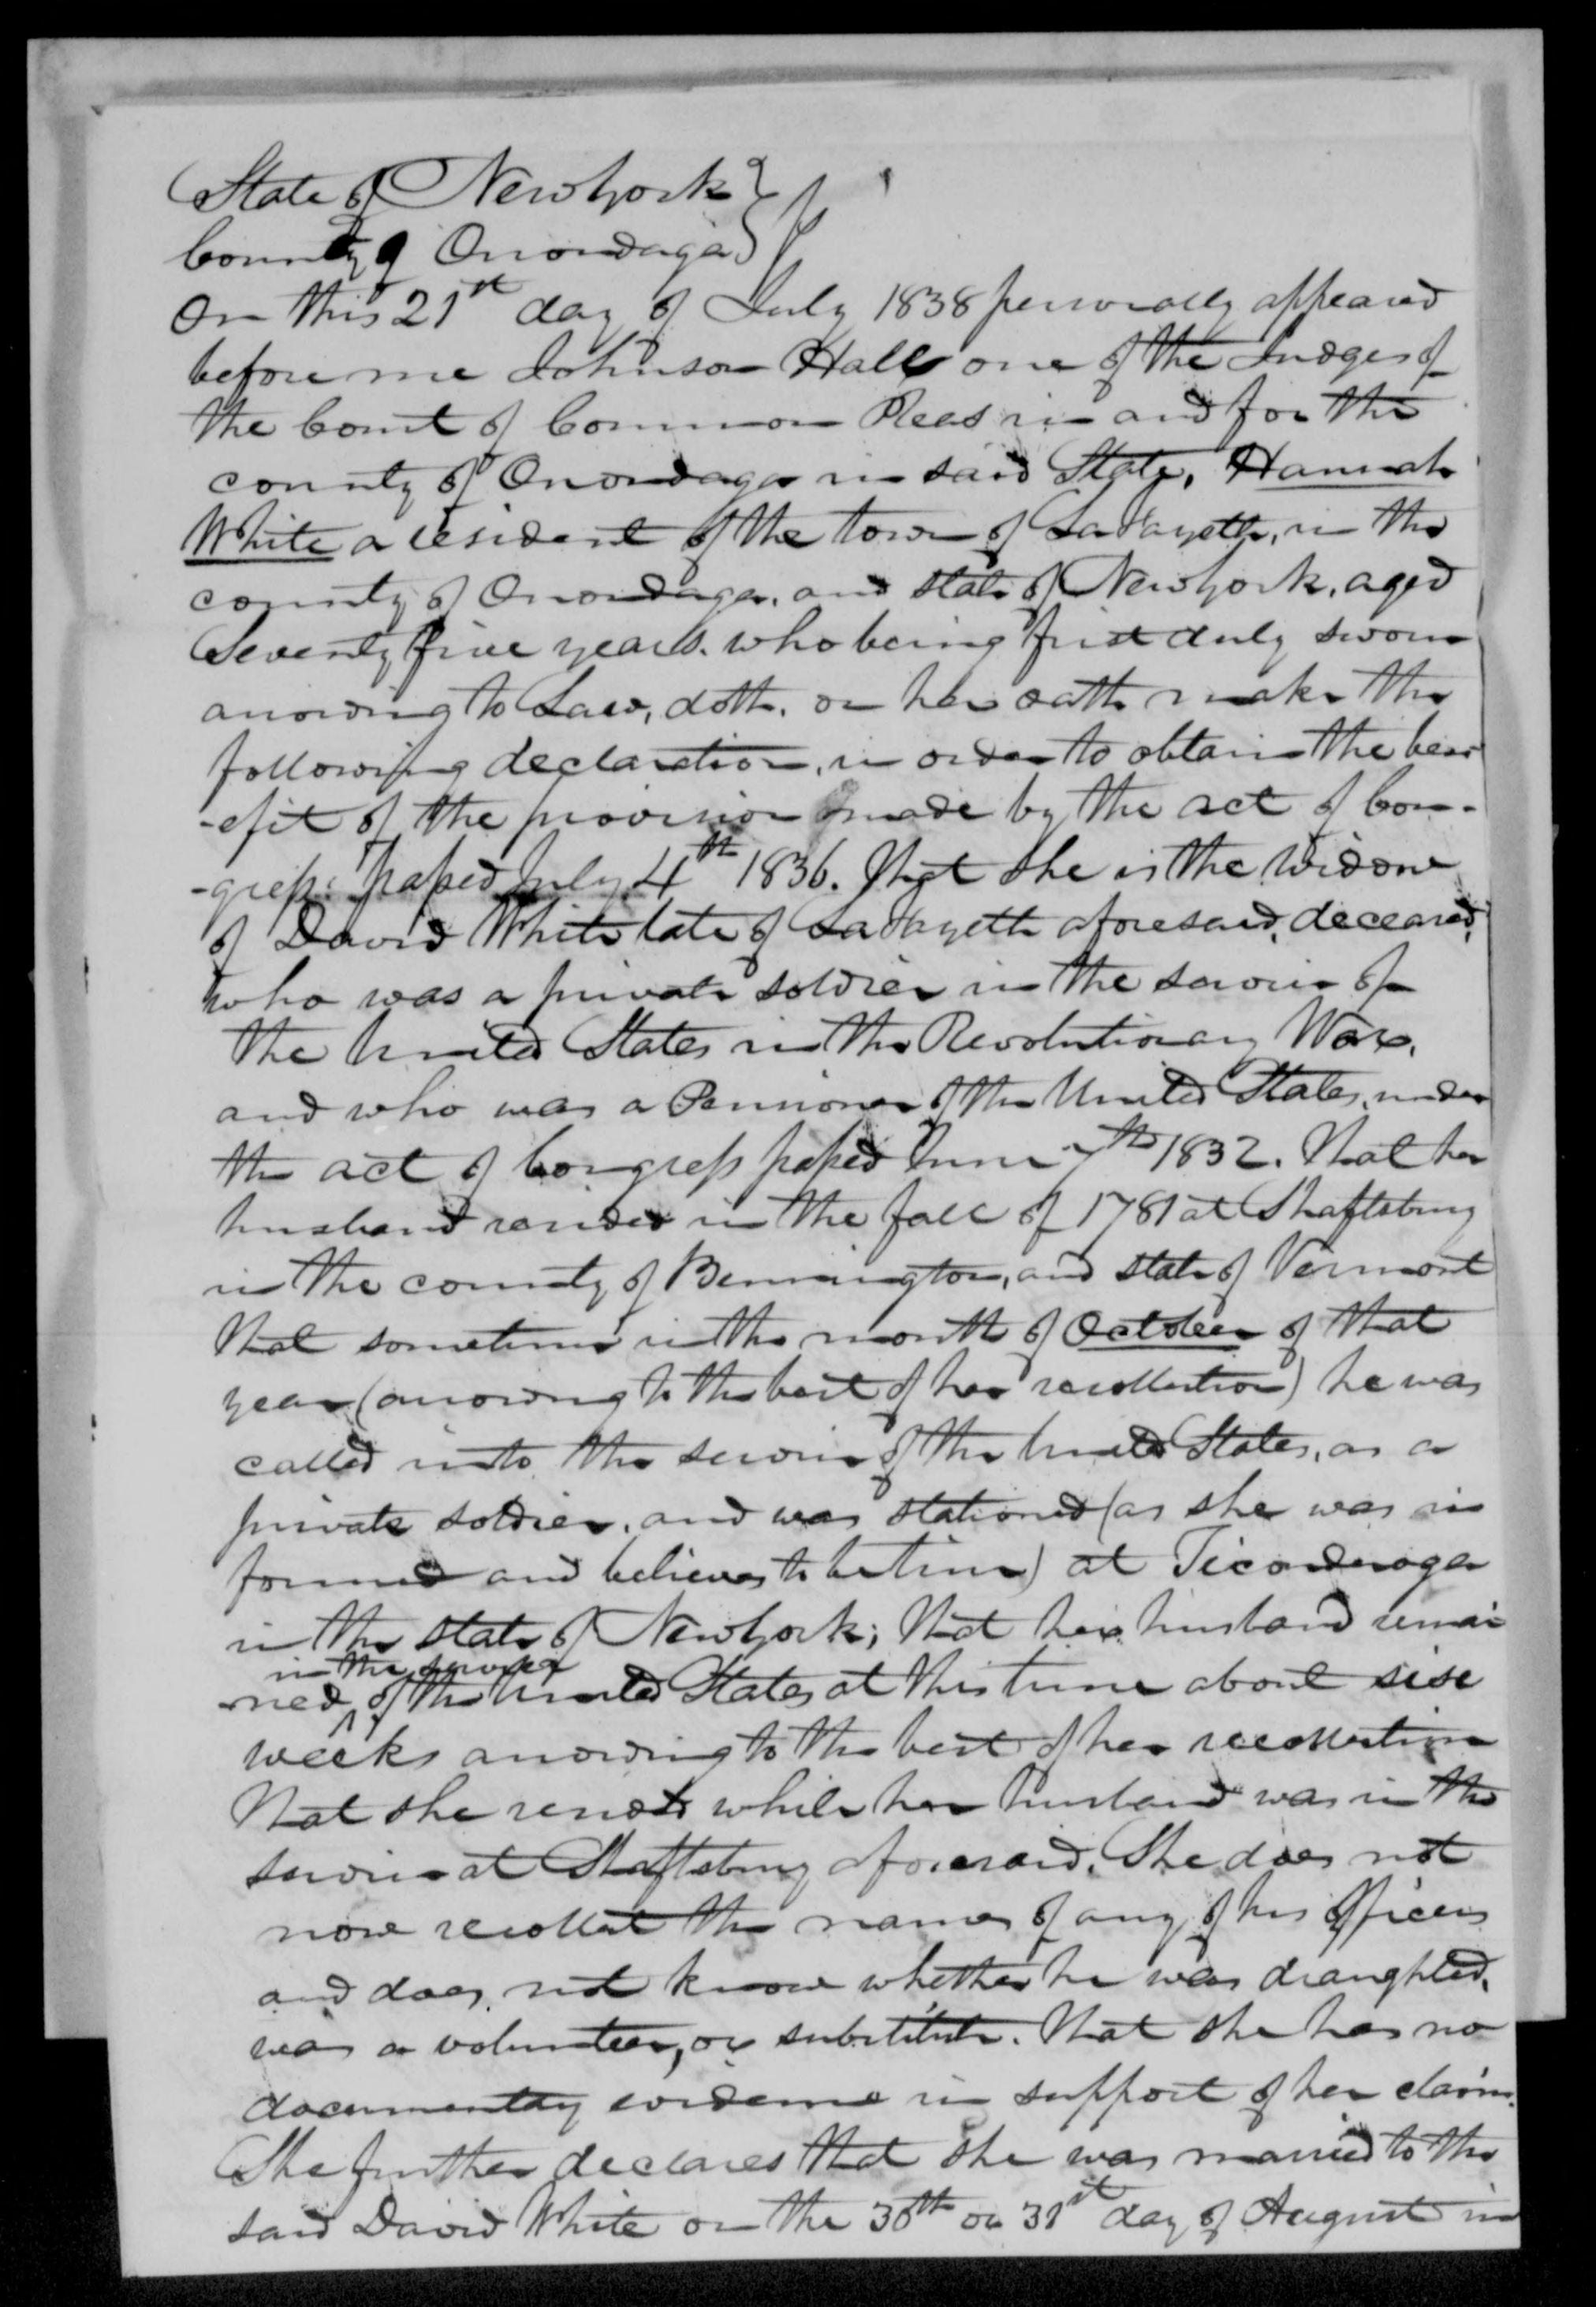State of New York, County Onondaga}

On this 21st day of July 1838 personally appeared before me Johnson Hall one of the Judges of the Court of Common Pleas in and for the County of Onondaga in said State. Hannah White a resident of the town of LaFayette, in the County of Onondaga, and State of New York, aged Seventy five years who  being first duly sworn according to law, doth, on her oath make the following declaration, in order to obtain the benefit of the provision made by the Act of Congress passed July 4th 1836. That she is the widow of David White late of LaFayette afresaid deceased who was a private soldier in the service of the United States in the Revolutionary War and who was a Pensioner of this United States, under the act of Congress passed June 7th 1832. That her husband received in the fall of 1781 at Shaftsbury in the County of Bennington, and State of Vermont that sometime in the month of October of that year (according to the best of her recollection) he was called into the service of the United States, as a private soldier, and was stationed (as far as she was informed and believes to be true) at Ticonderoga in the state of New York; that her husband remained ^in the service of of(sic) the United States at this time about six weeks according to the best of his recollection. That she [] while her husband was in the service at Shaftsbury aforesaid. She does not now recollect the names of any of his officers and does not know whether he was drafted, was a volunteer, or substitute. That she has no documentry evidence in support of her claim. She further declares that she was married to the said David White on the 30th or 31st day of August in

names: Hannah White, Johnson Hall, David White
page: 12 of 63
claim: widow's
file: W. 18403, David White, Conn.